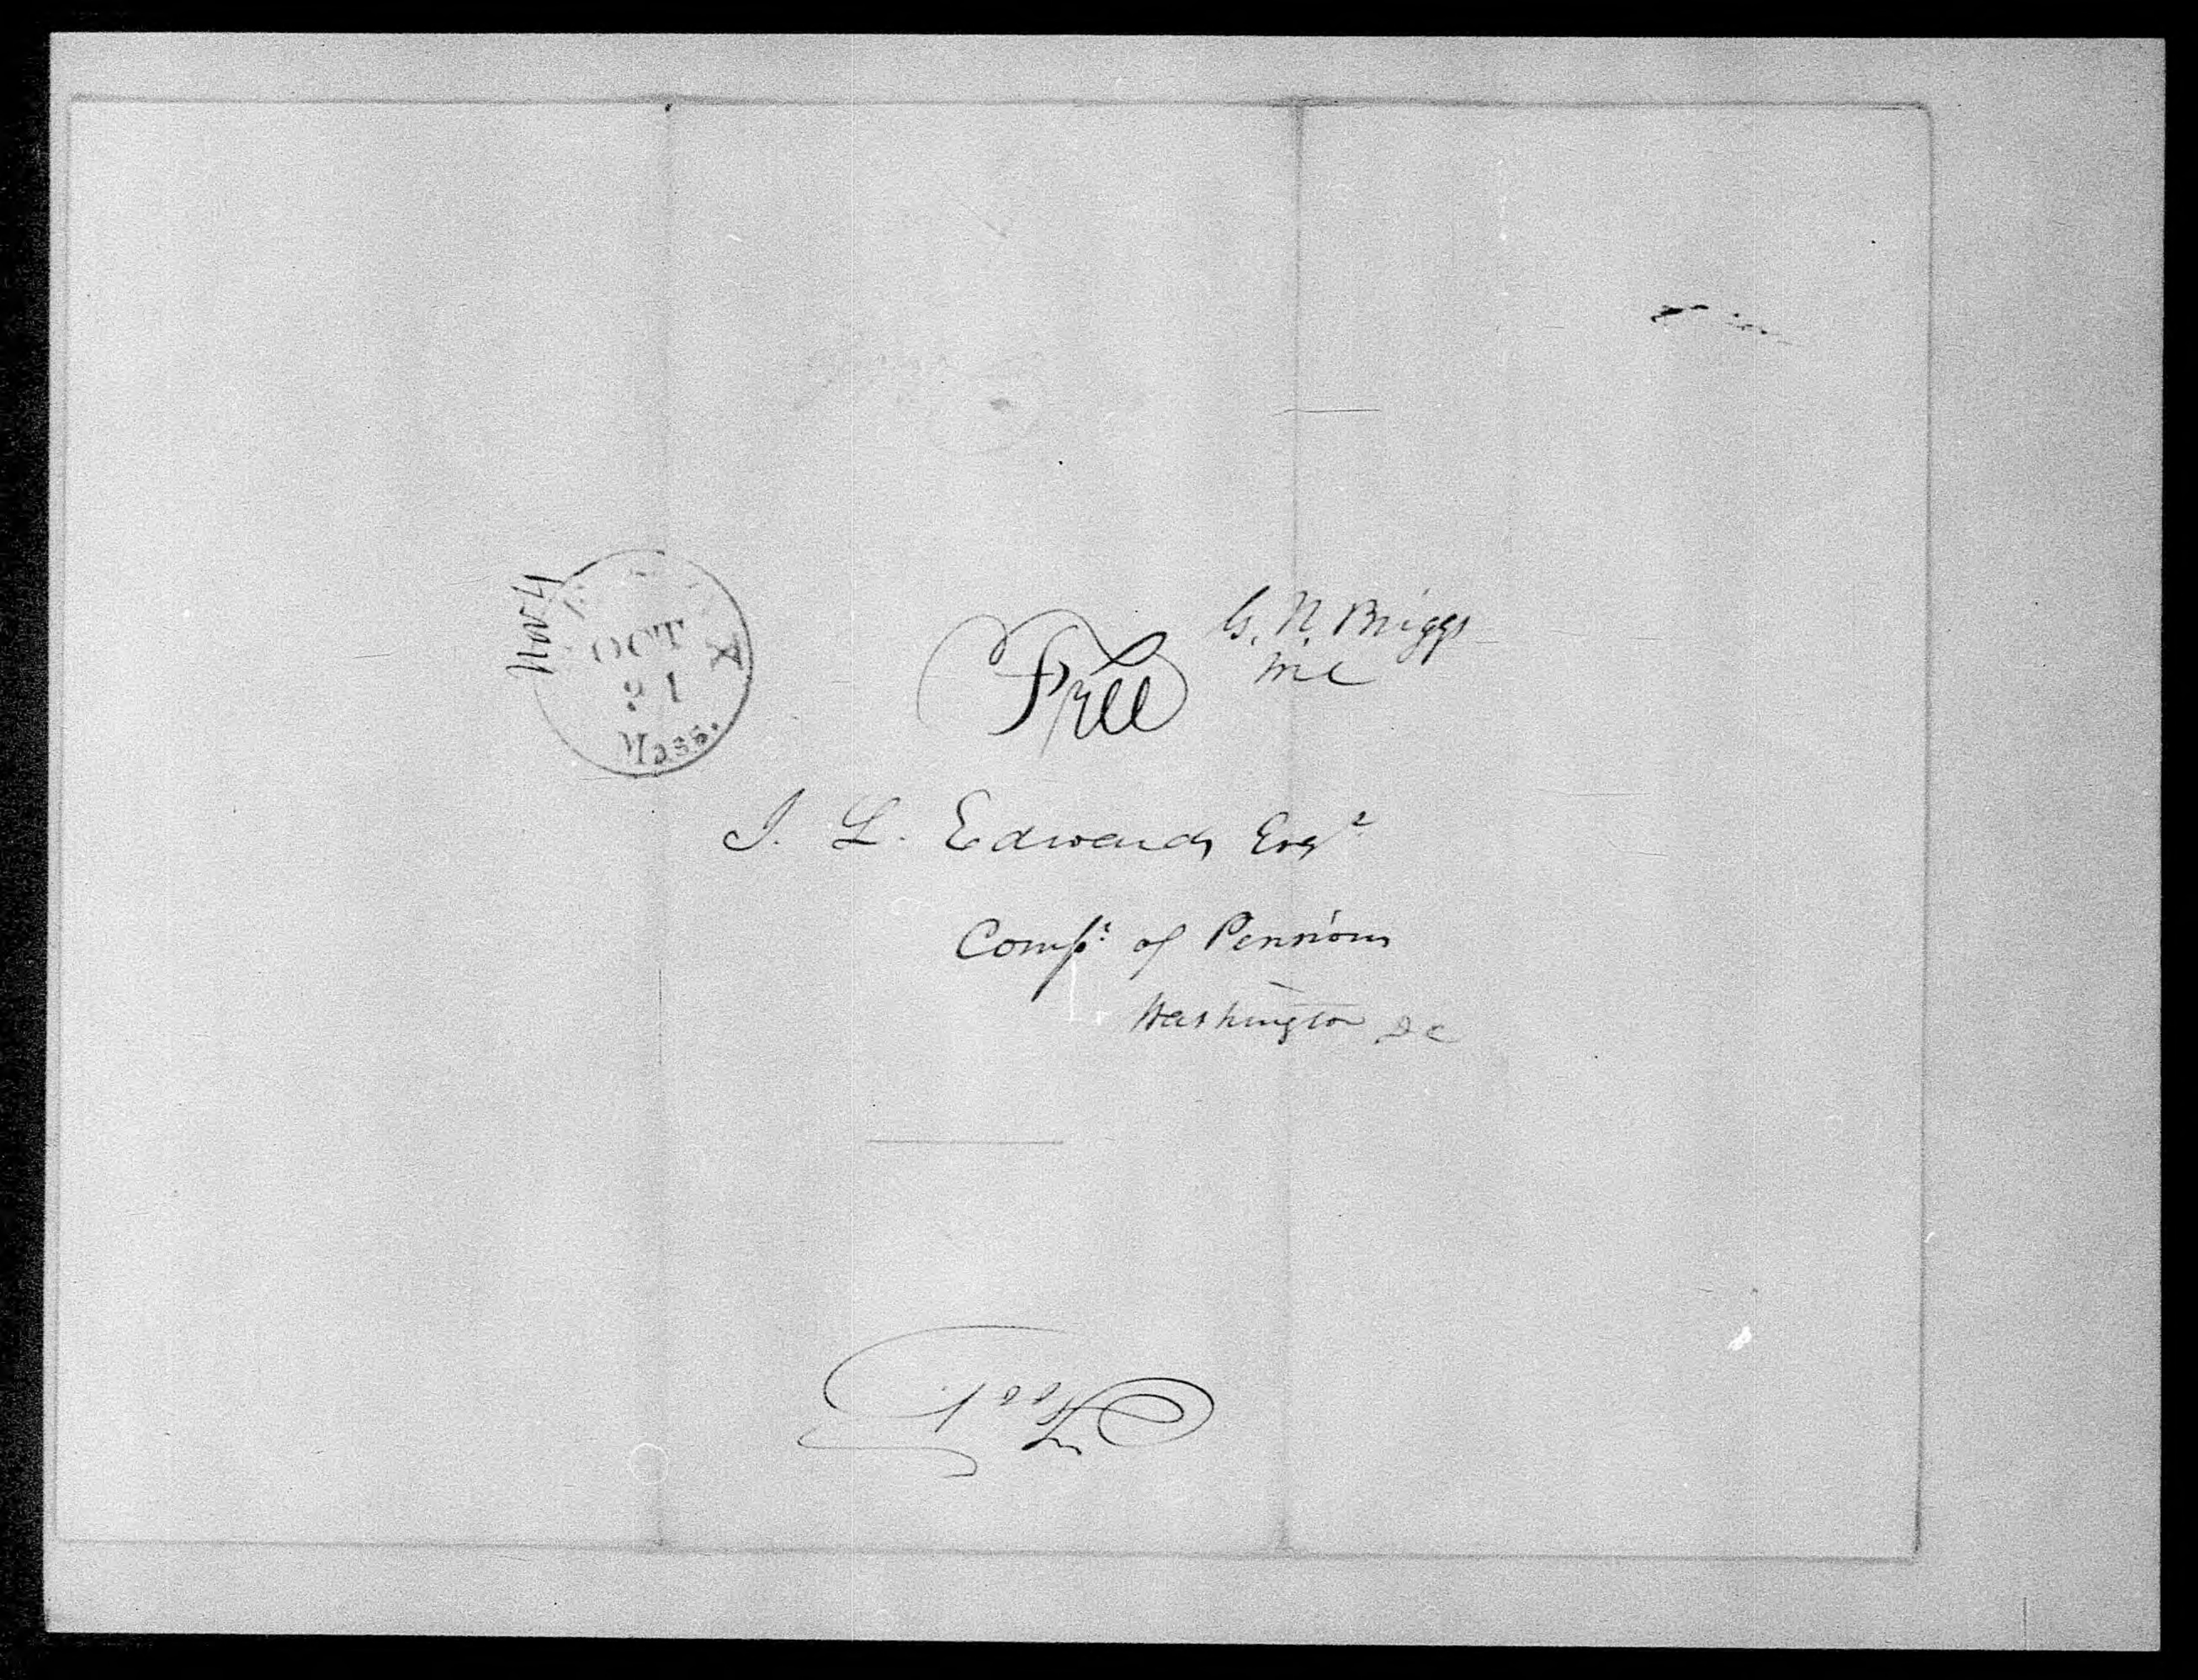G. N. Briggs
MC
FREE

 (circular stamp)
OCT 21
Lenox  Mass.
Nov 4 

J. L. Edwards
Comssr of Pensions
Washington D.C.

Foot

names: J L Edwards; [BLANK] Foot; G N Briggs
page: 42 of 60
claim: widow's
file: W. 14,036, for James Knowles, Connecticut